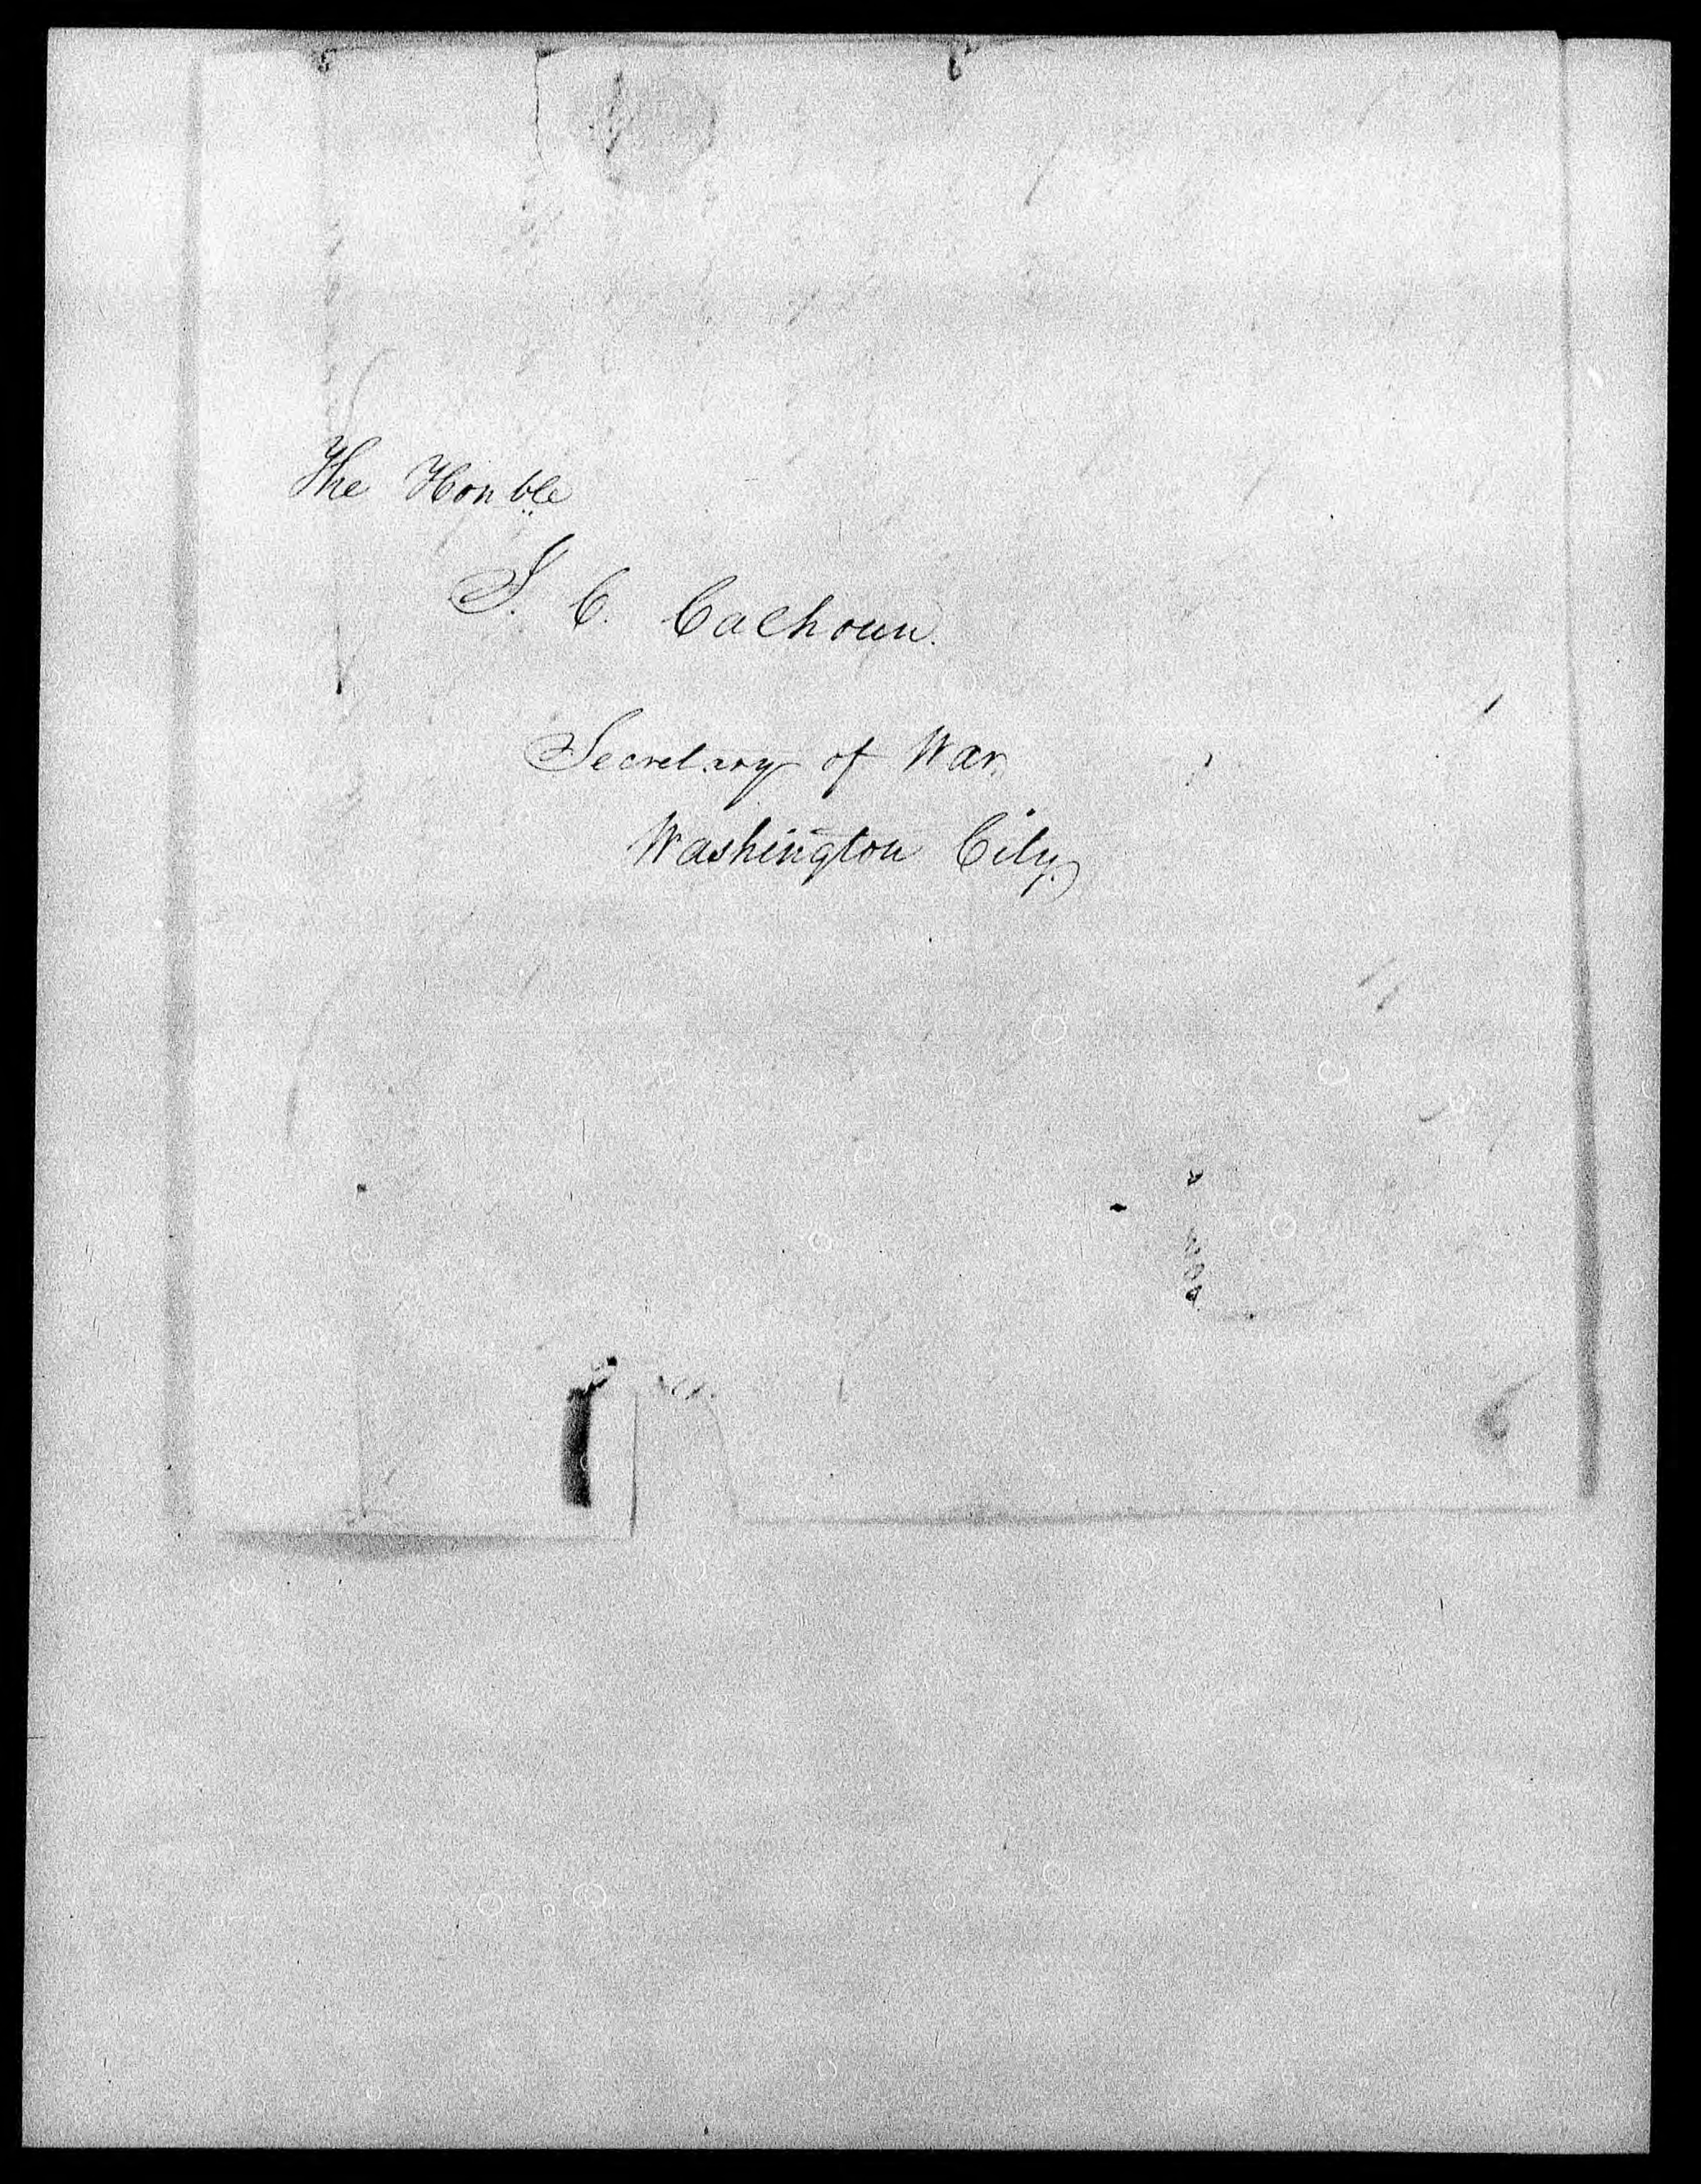The Honorable
J C Calhoun
Secretary of War
Washington City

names: J C Calhoun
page: 5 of 20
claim: bounty land warrant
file: B. L. Wt. 1102-300, for Robert Kirkwood, Delaware